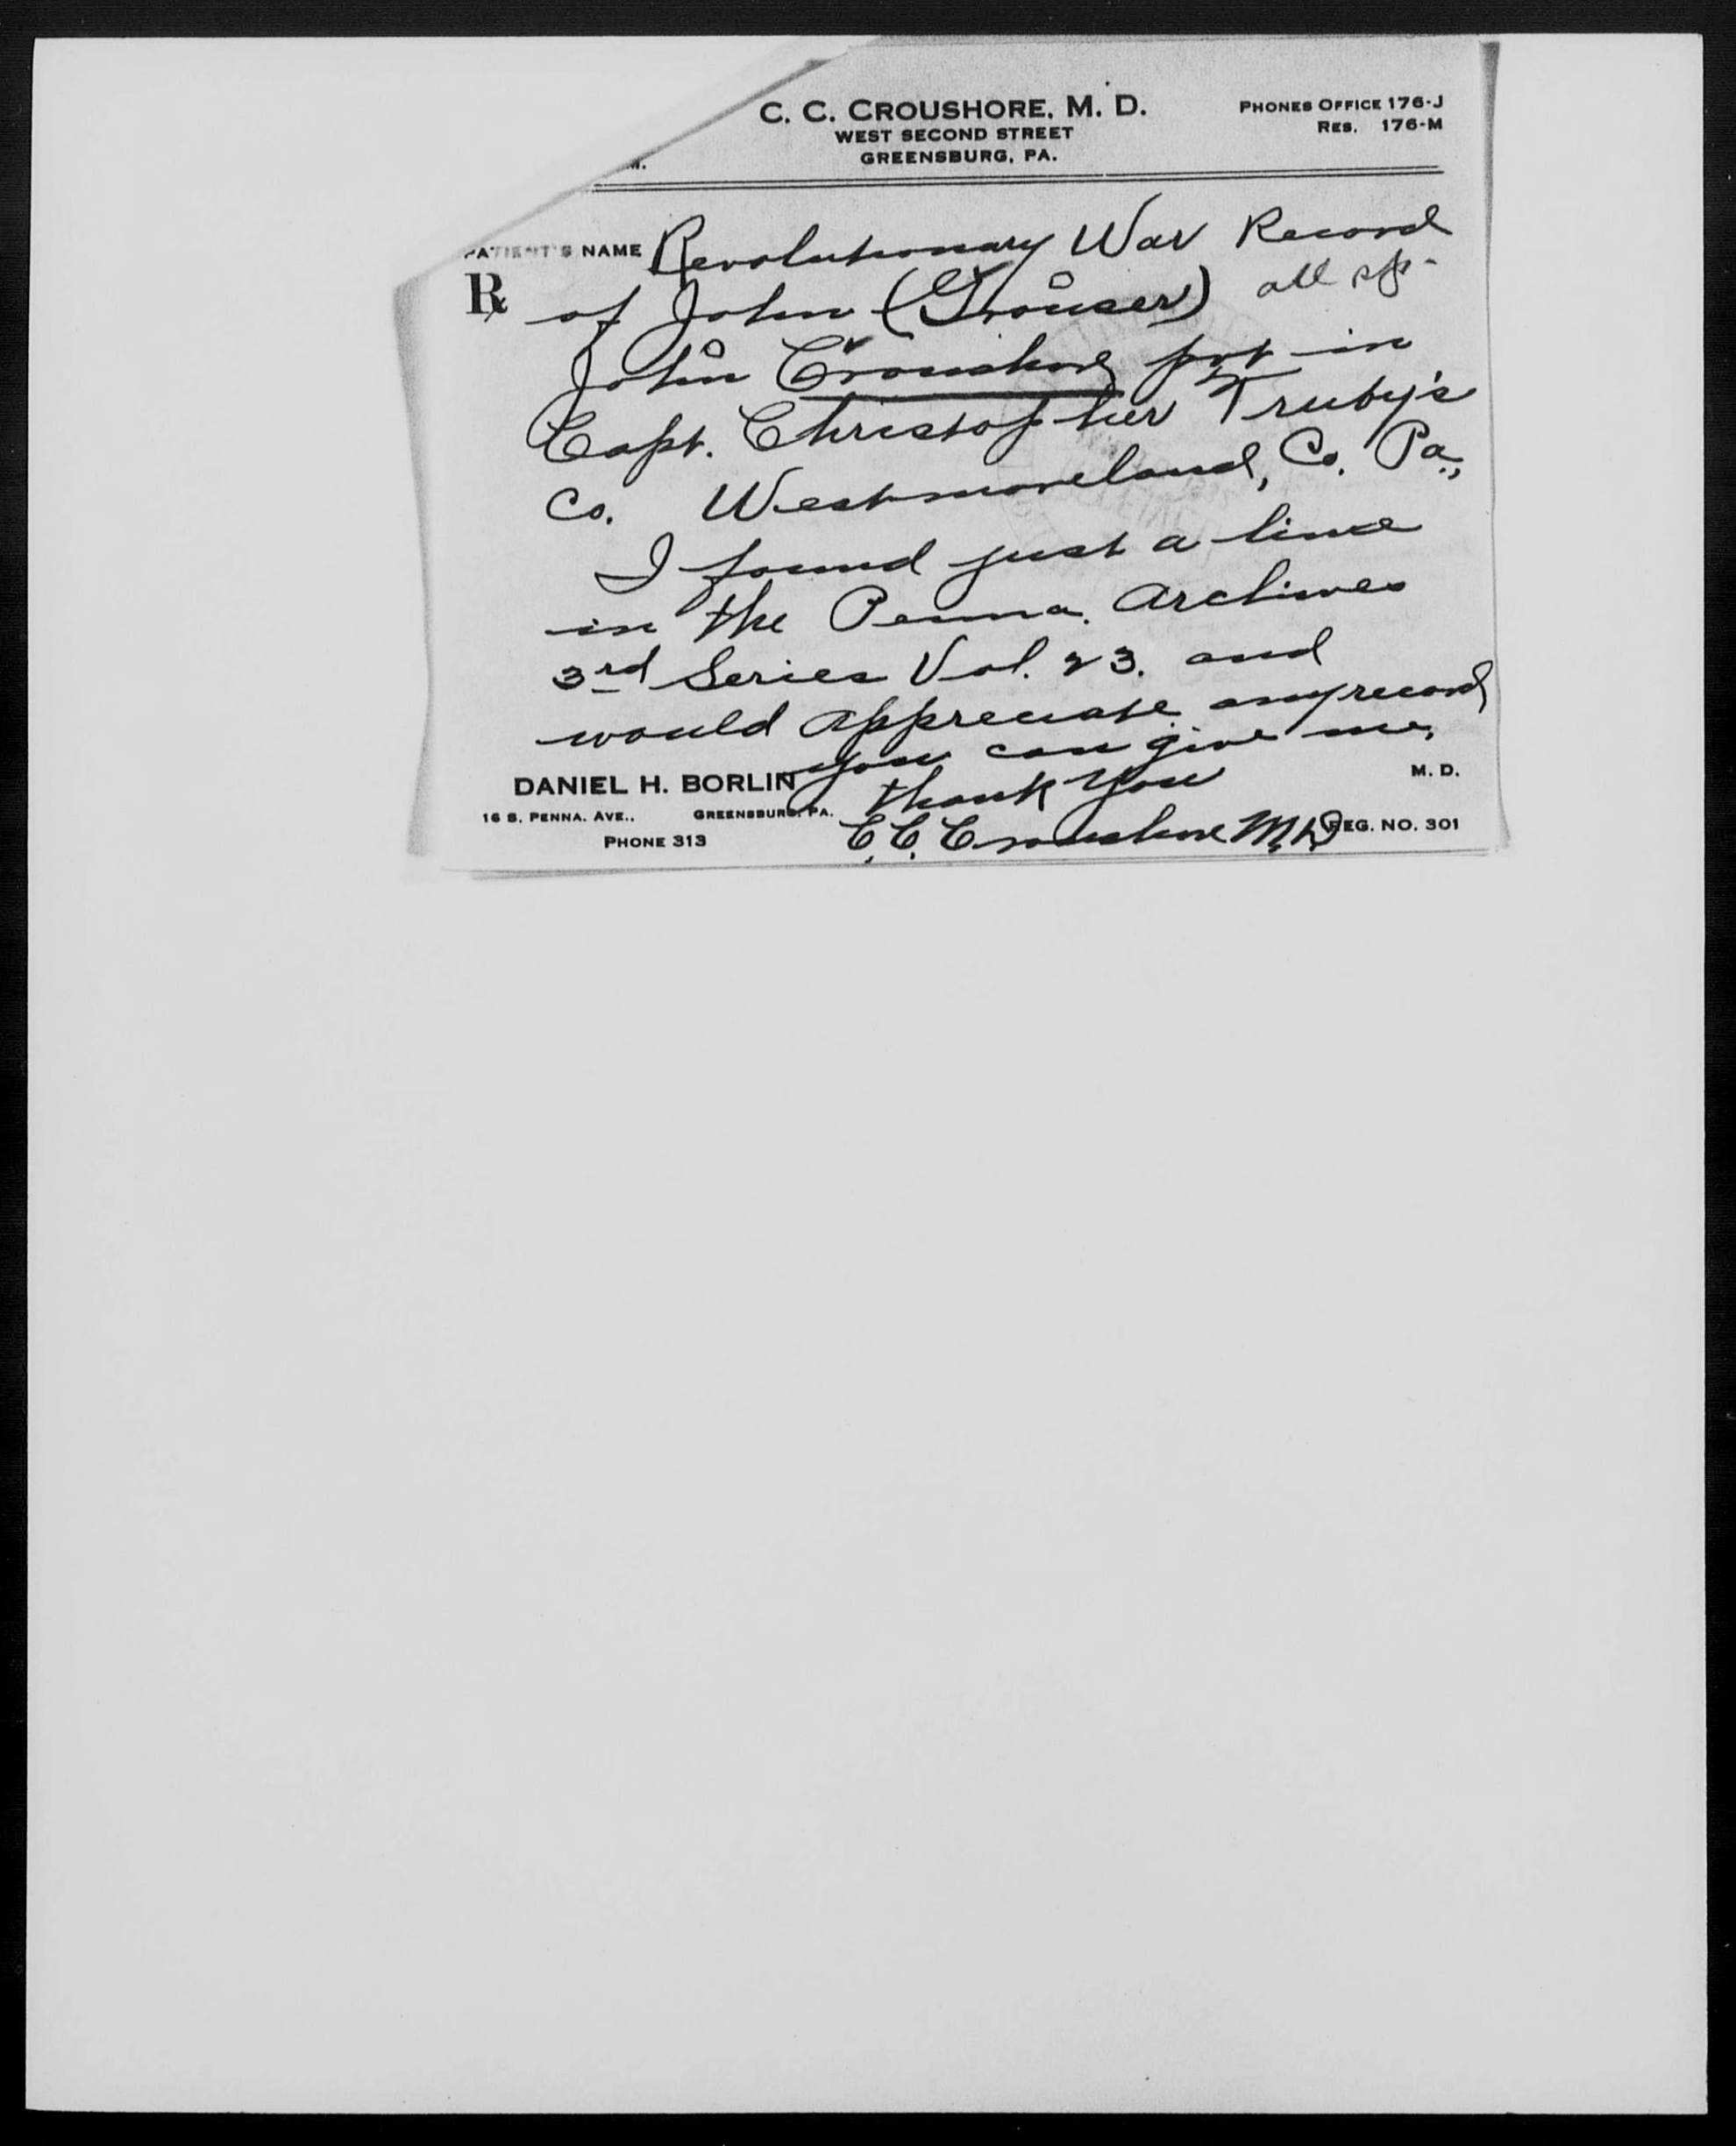C.C.CROUSHORE, M.D.
WEST SECOND STREET
GREENSBURG, PA.
PHONES OFFICE 176-J
RES. 176-M
PATIENT'S NAME
Rx
Revolutionary War Record
of John (Grouser) all sp-
John Croushore pvt in
Capt. Christopher Truby's
Co. Westmoreland, Co. Pa.,
I found just a line
in the Penna. Archives
3rd Series Vol.23. and
would appreciate any record
you can give me.
thank You
C.C. Croushore M.D.
DANIEL H. BORLIN M.D.
16 S. PENNA. AVE. GREENSBURG, PA.
PHONE 313
REG. NO. 301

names: John Croushore, C C Croushore, John Grouser, C C Croushore, Daniel H Borlin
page: 17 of 24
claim: survivor's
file: S. 2032, Henry Allshouse, Penn.